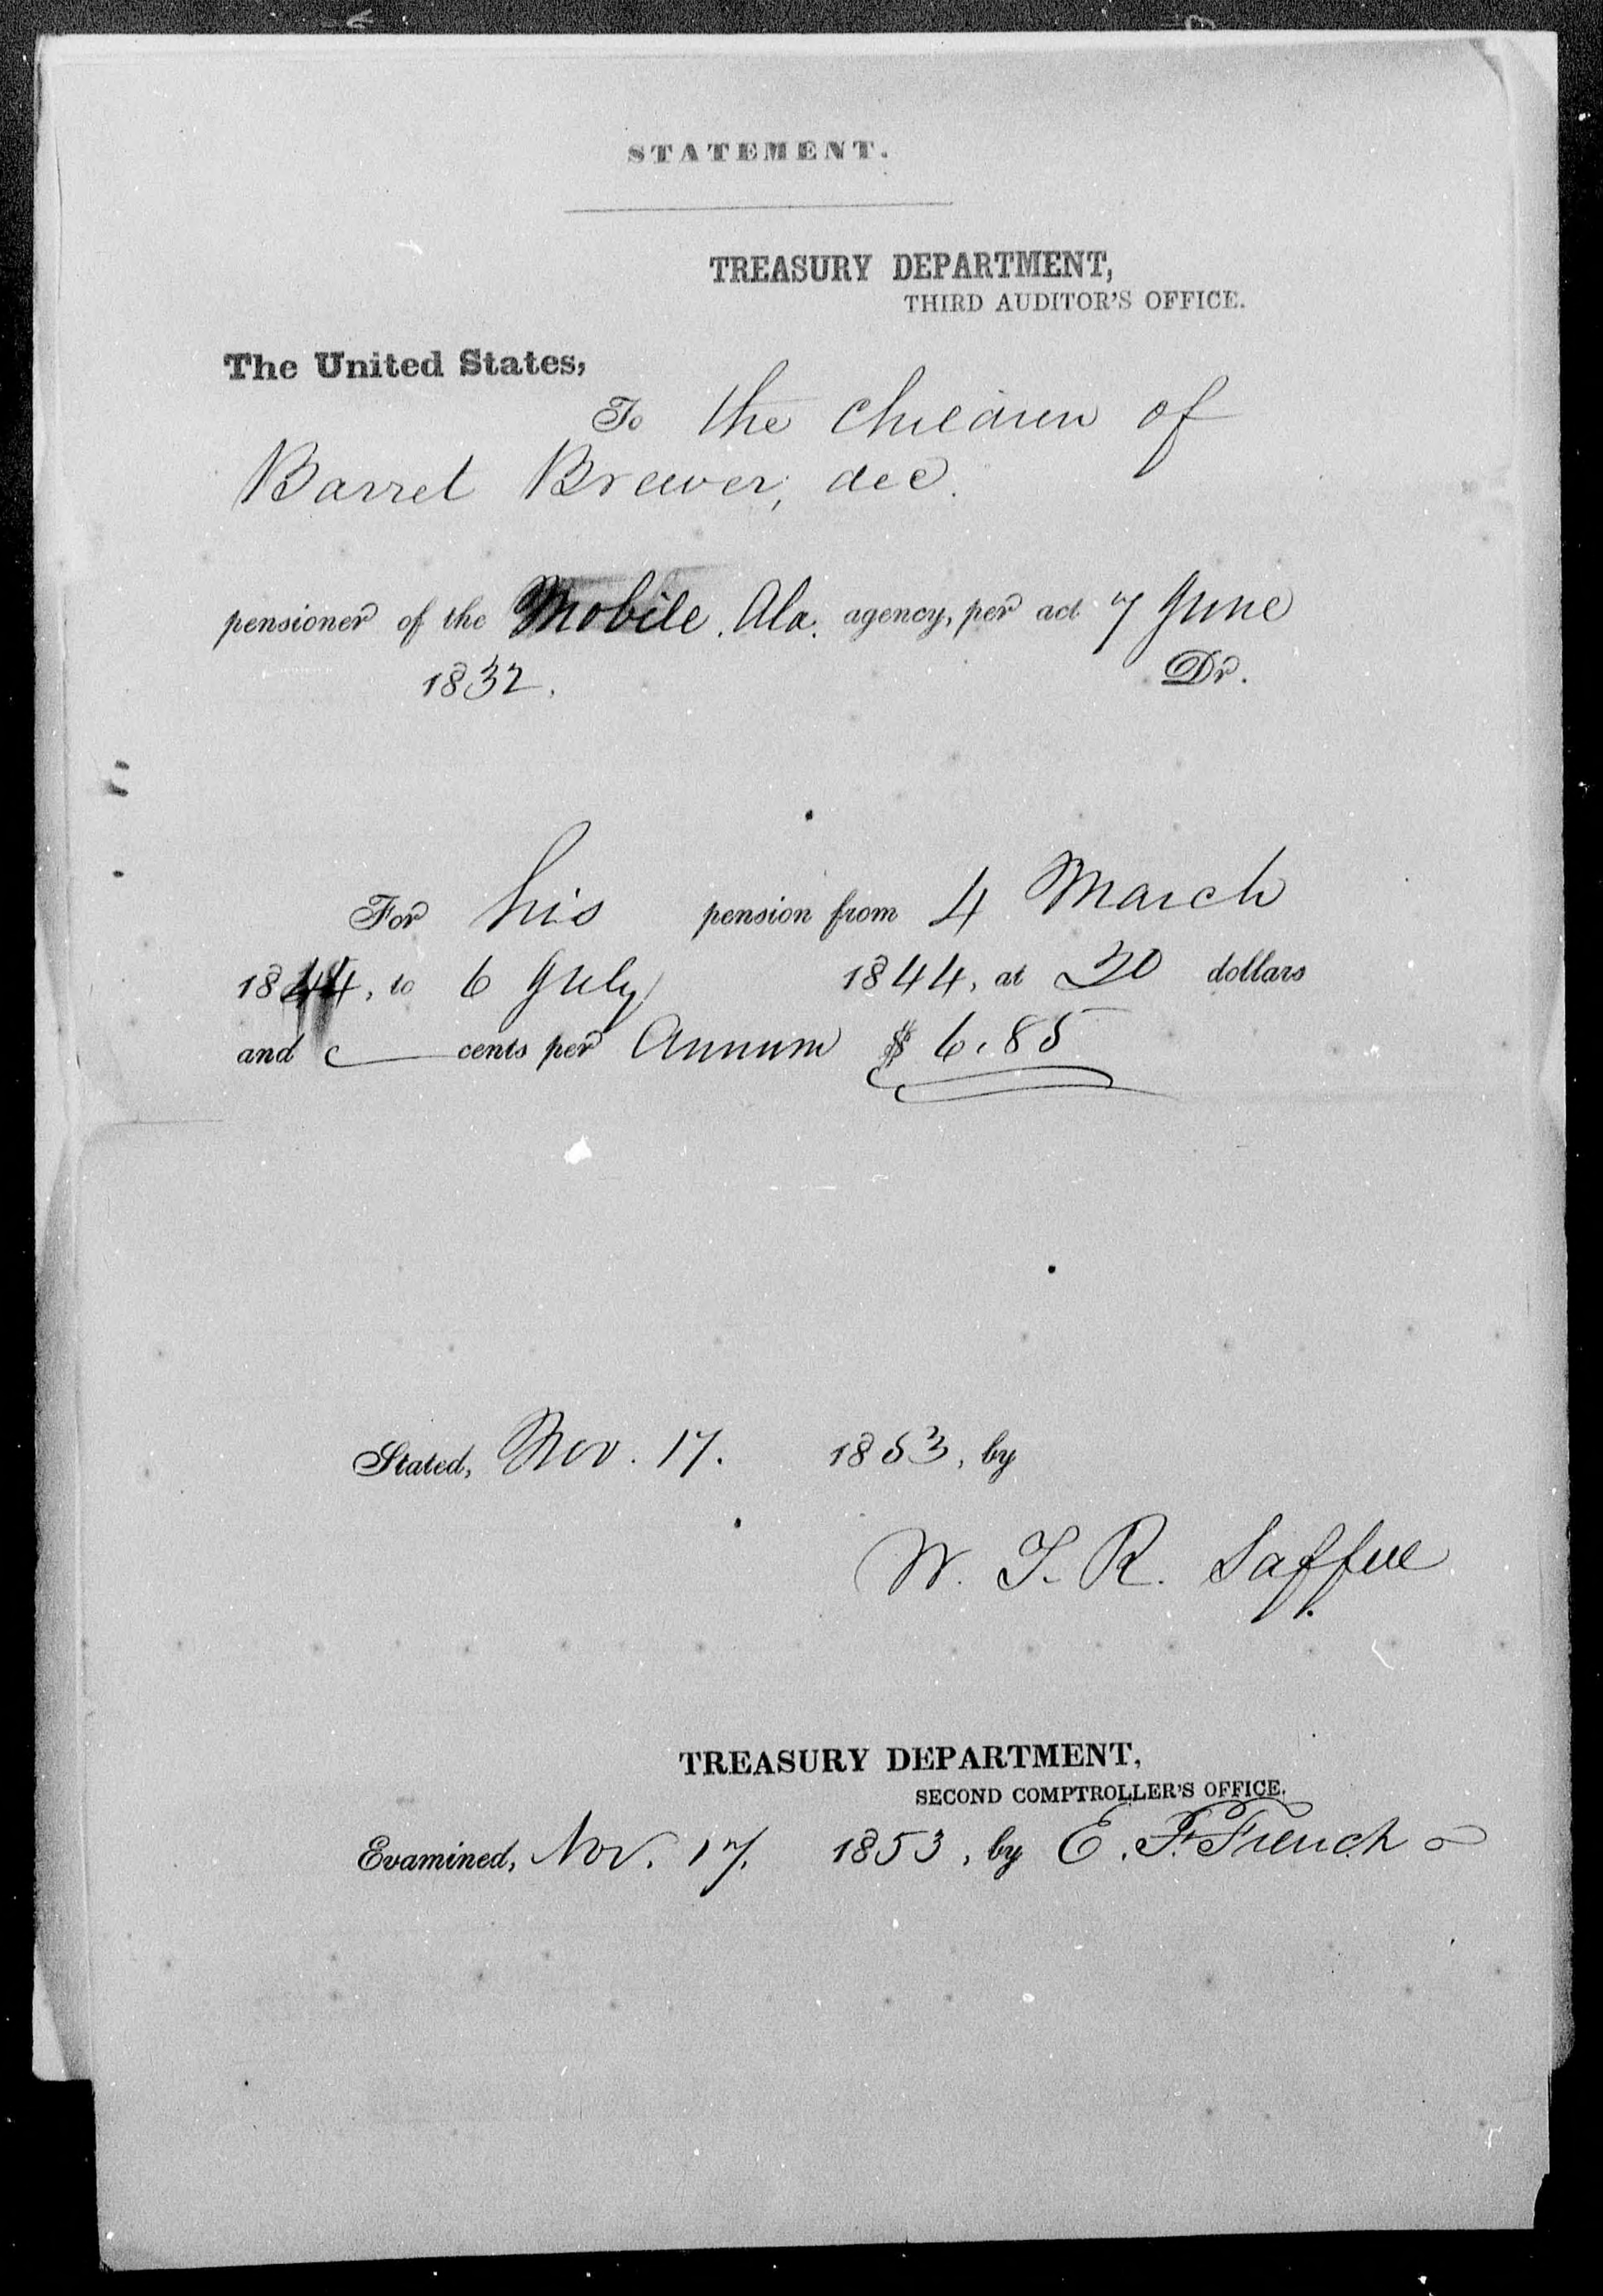STATEMENT
 
TREASURY DEPARTMENT
  THIRD AUDITOR'S OFFICE

The United States,
    to the children of Barret Brewer, dec.
pensioner of the Mobile, Ala, agency, per act of June 1832.                                                      Dr.

For his pension for 4 March1844 to 6 July 1844, at 20 dollars 
and   cents per annum [underlines] $6.85.

Stted, Nov. 17, 1853, by
W. L R. Saffell

TREASURY DEPARTMENT
    SECOND CONTROLLER'S OFFICE
Examined, Nov. 17, 1853, by E. F. French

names: E F French, Barret Brewer, W T R Saffell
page: 7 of 49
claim: survivor's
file: S. 32,131, Barrett Brewer, Va.